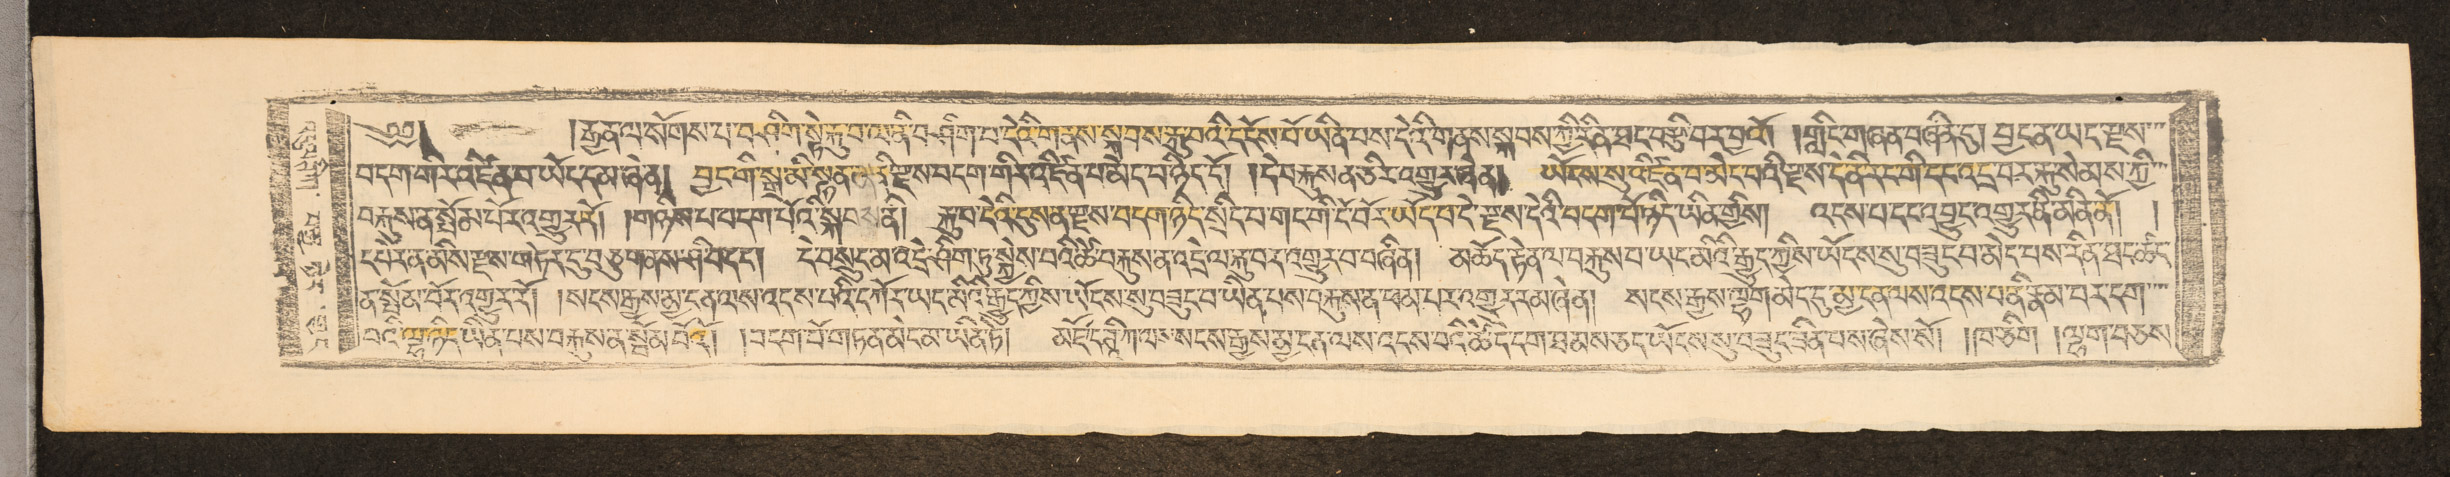༄༅། །རྒྱན་ལ་སོགས་པ་བཤིག་སྟེ་རྐུབ་ལ་ནི་བཤིག་པ་དེའི་གནས་སྐབས་རྐུ་བའི་དངོས་པོ་ཡིན་པས་དེའི་གནས་སྐབས་ཀྱི་རིན་ཐང་བརྩི་བར་བྱའོ། །གླིང་གཞན་བཞིན་དུ། བྱད་ན་ཡང་རྫས་
བདག་གིར་འཛིན་པ་ཡོད་དམ་ཞེ་ན། བྱང་གི་སྒྲ་མི་སྙན་ན་ནི་རྫས་བདག་གིར་འཛིན་པ་མེད་པ་ཉིད་དོ། །དེ་བརྐུས་ན་ཅིར་འགྱུར་ཞེ་ན། ཡོངས་སུ་འཛིན་པ་མེད་པའི་རྫས་དེ་ནི་རང་གི་དང་འདྲ་བར་རྐུ་སེམས་ཀྱི་
བརྐུས་ན་སྦོམ་པོར་འགྱུར་རོ། །གཉིས་བ་བདག་པོའི་སྐབས་ནི། རྐུ་བ་དེའི་དུས་ན་རྫས་བདག་ཉིད་སྲིད་པ་གང་གི་ངོ་བོར་ཡོད་པ་དེ་རྫས་དེའི་བདག་པོ་ཉིད་ཡིན་གྱིས། འདས་པ་དང་འབྱུང་འགྱུར་ནི་མིན་ནོ། །
དཔེར་ན་མིས་རྫས་གཏེར་དུ་བཅུག་ནས་ཤི་བ་དང་། དེ་བསྲུང་མ་འདྲེ་ཤིག་ཏུ་སྐྱེས་པའི་ཚེ་བརྐུས་ན་འདྲེ་ལ་རྐུ་བར་འགྱུར་བ་བཞིན། མཆོད་རྟེན་ལ་བརྐུས་བ་ཡང་མིའི་རྒྱུད་ཀྱིས་ཡོངས་སུ་བཟུང་བ་མེད་པས་རིན་ཐང་ཚང་
ན་སྦོམ་པོར་འགྱུར་རོ། །སངས་རྒྱས་མྱ་ངན་ལས་འདས་བའི་དཀོར་ཡང་མིའི་རྒྱུད་ཀྱིས་ཡོངས་སུ་བཟུང་བ་ཡིན་བས་བརྐུས་ན་ཕམ་བར་འགྱུར་རམ་ཞེ་ན། སངས་རྒྱས་ལྷག་མེད་དུ་མྱ་ངན་ལས་འདས་པ་ནི་རྣམ་པར་དག་
པའི་ལྷ་ཉིད་ཡིན་པས་བརྐུས་ན་སྦོམ་པོའོ། །བདག་པོ་གཏན་མེད་མ་ཡིན་ཏེ། མཛོད་ཊཱིཀ་ལས་སངས་རྒྱས་མྱ་ངན་ལས་འདས་བའི་ཚེ་དེ་དག་ཐམས་ཅད་ཡོངས་སུ་བཟུང་ཟིན་པས་ཞེས་སོ། །ཁ་ཅིག །ལྷག་བཅས་